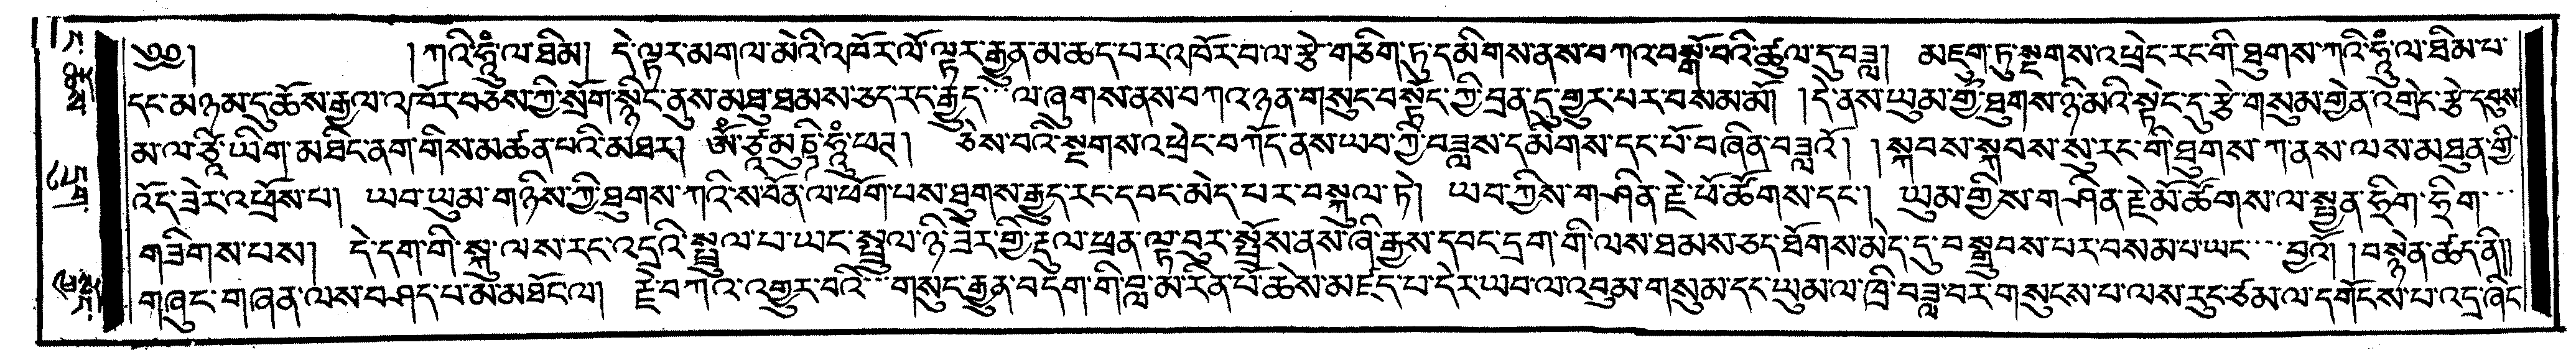༄༅། །ཀའི་ཧཱུཾ་ལ་ཐིམ། དེ་ལྟར་མགལ་མེའི་འཁོར་ལོ་ལྟར་རྒྱུན་མ་ཆད་པར་འཁོར་བ་ལ་རྩེ་གཅིག་ཏུ་དམིགས་ནས་བཀའ་བསྒོ་པའི་ཚུལ་དུ་བཟླ། མཇུག་ཏུ་སྔགས་འཕྲེང་རང་གི་ཐུགས་ཀའི་ཧཱུཾ་ལ་ཐིམ་པ་
དང་མཉམ་དུ་ཆོས་རྒྱལ་འཁོར་བཅས་ཀྱི་སྲོག་སྙིང་ནུས་མཐུ་ཐམས་ཅད་རང་རྒྱུད་ལ་ཞུགས་ནས་བཀའ་ཉན་གསུང་བསྟོད་ཀྱི་བྲན་དུ་གྱུར་པར་བསམ་མོ། །དེ་ནས་ཡུམ་གྱི་ཐུགས་ཉི་མའི་སྟེང་དུ་རྩེ་གསུམ་གྱེན་འགྲེང་རྩེ་དབུས་
མ་ལ་ཙའི་ཡིག་མཐིང་ནག་གིས་མཚན་པའི་མཐར། ཨོཾ་ཙཱ་མུཎྜི་ཧཱུཾ་ཕགས། ཅེས་པའི་སྔགས་འཕྲེང་བཀོད་ནས་ཡབ་ཀྱི་བཟླས་དམིགས་དང་པོ་བཞིན་བཟླའོ། །སྐབས་སྐབས་སུ་རང་གི་ཐུགས་ཀ་ནས་ལས་མཐུན་གྱི་
འོད་ཟེར་འཕྲོས་པ། ཡབ་ཡུམ་གཉིས་ཀྱི་ཐུགས་ཀའི་ས་བོན་ལ་ཕོག་པས་ཐུགས་རྒྱུད་རང་དབང་མེད་པར་བསྐུལ་ཏེ། ཡབ་ཀྱིས་གཤིན་རྗེ་ཕོ་ཚོགས་དང་། ཡུམ་གྱིས་གཤིན་རྗེ་མོ་ཚོགས་ལ་སྤྱན་ཧྲིག་ཧྲིག་
གཟིགས་པས། དེ་དག་གི་སྐུ་ལས་རང་འདྲའི་སྤྲུལ་པ་ཡང་སྤྲུལ་ཉི་ཟེར་གྱི་རྡུལ་ཕྲན་ལྟ་བུར་སྤྲོས་ནས་ཞི་རྒྱས་དབང་དྲག་གི་ལས་ཐམས་ཅད་ཐོགས་མེད་དུ་བསྒྲུབས་པར་བསམ་པ་ཡང་བྱའོ། །བསྙེན་ཚད་ནི། །
གཞུང་གཞན་ལས་བཤད་པ་མ་མཐོང་ལ། རྗེ་བཀའ་འགྱུར་བའི་གསུང་རྒྱུན་བདག་གི་བླ་མ་རིན་པོ་ཆེས་མཛད་པ་དེར་ཡབ་ལ་འབུམ་གསུམ་དང་ཡུམ་ལ་ཁྲི་བཟླ་བར་གསུངས་པ་ལས་རུང་ཙམ་ལ་དགོངས་པ་འདྲ་ཞིང་